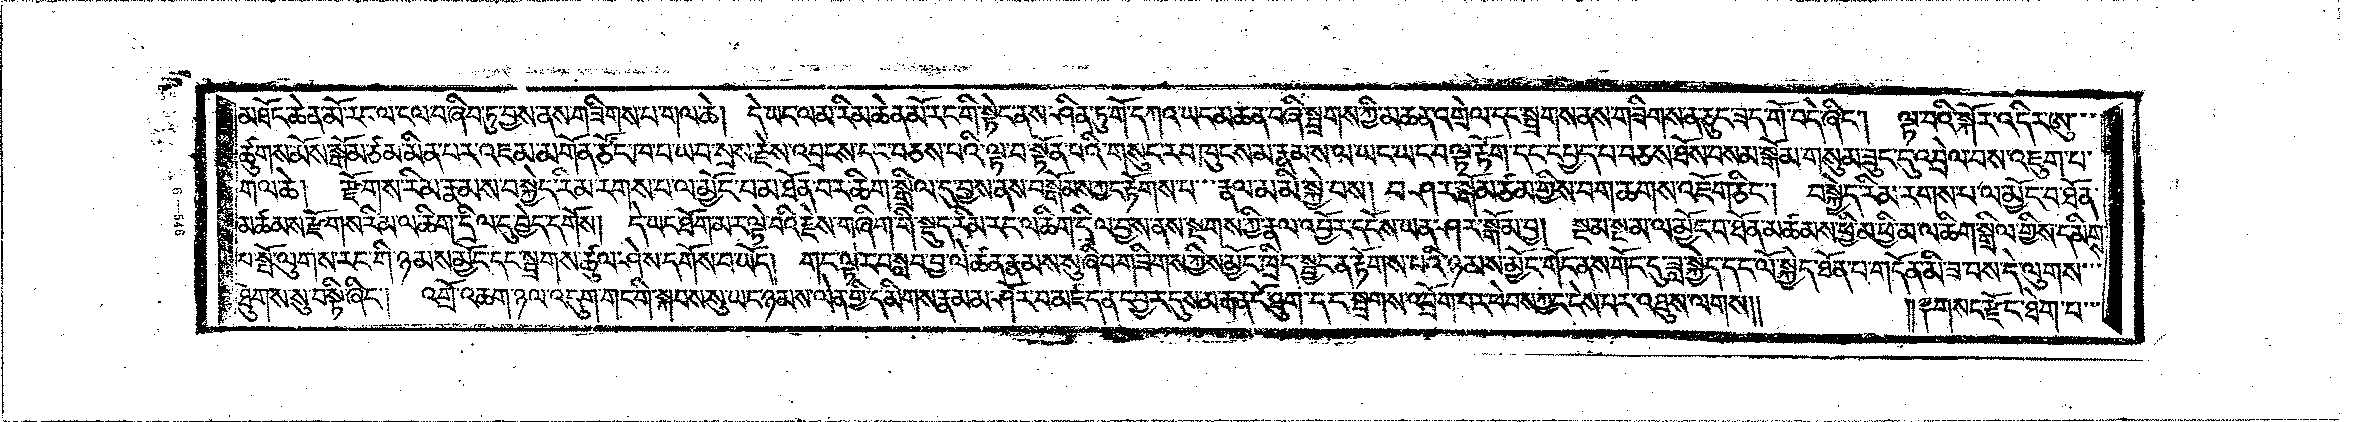མཐོང་ཆེན་མོ་རང་ལ་ངལ་བ་ཞིབ་ཏུ་བྱས་ནས་གཟིགས་པ་གལ་ཆེ། དེ་ཡང་ལམ་རིམ་ཆེན་མོ་རང་གི་སྟེང་ནས་ཤིན་ཏུ་གོ་དཀའ་ཡང་མཆན་བཞི་སྦྲགས་ཀྱི་མཆན་འགྲེལ་དང་སྦྲགས་ནས་གཟིགས་ན་ཅུང་ཟད་གོ་བདེ་ཞིང་། ལྟ་བའི་སྐོར་འདིར་ཨུ་
ཚུགས་མོས་སྒོམ་ཙམ་མིན་པར་འཇམ་མགོན་ཙོང་ཁ་པ་ཡབ་སྲས་རྗེས་འབྲངས་དང་བཅས་པའི་ལྟ་བ་སྟོན་པའི་གསུང་རབ་ཁུངས་མ་རྣམས་ལ་ཡང་ཡང་བལྟ་རྟོག་དང་དཔྱད་པ་བཅས་ཐོས་བསམ་སྒོམ་གསུམ་ཟུང་དུ་འབྲེལ་བས་འཇུག་པ་
གལ་ཆེ། རྫོགས་རིམ་རྣམས་བསྐྱེད་རིམ་རགས་པ་ལ་མྱོང་བ་མ་ཐོན་པར་ཆིག་སྒྲིལ་དུ་བྱས་ནས་བསྒོམས་ཀྱང་རྟོགས་པ་རྣལ་མ་མི་སྐྱེ་བས། བཤར་སྒོམ་ཙམ་གྱིས་བག་ཆགས་འཇོག་ཅིང་། བསྐྱེད་རིམ་རགས་པ་ལ་མྱོང་བ་ཐོན་
མཚམས་རྫོགས་རིམ་ལ་ཆིག་དྲིལ་དུ་བྱེད་དགོས། དེ་ཡང་ཐོག་མར་ལྟེ་བའི་རྗེས་གཞིག་གི་སྡུད་རིམ་རང་ལ་ཚིག་དྲིལ་བྱས་ནས་སྔགས་ཀྱི་རྣལ་འབྱོར་དངོས་ཡན་ཤར་སྒོམ་བྱ། སྔམ་སྔ་མ་ལ་མྱོང་བ་ཐོན་མཚམས་ཕྱི་མ་ཕྱི་མ་ལ་ཆིག་སྒྲིལ་གྱིས་དམིགས་
པ་སྤོ་ལུགས་རང་གི་ཉམས་མྱོང་དང་སྦྲགས་ཚུལ་ཤེས་དགོས་པ་ཡོད། གང་ལྟར་བ་སླབ་བྱ་ལེ་ཚན་རྣམས་སུ་ཞིབ་གཟིགས་ཀྱིས་མྱོང་ཁྲིད་སྦྱང་ན་རྟོགས་པའི་ཉམས་མྱོང་གོང་ནས་གོང་དུ་ཟླ་སྐྱེད་དང་ལོ་སྐྱེད་ཐོན་པ་གདོན་མི་ཟ་བས་དེ་ལུགས་
ཐུགས་སུ་བསྟི་ཞིང་། འགྲོ་འཆག་ཉལ་འདུག་གང་གི་སྐབས་སུ་ཡང་ཉམས་ལེན་གྱི་དམིགས་རྣམ་མ་ཤོར་བ་མཛད་ན་དབྱར་དུས་མ་རྒན་ངོ་ཐུག་དང་སྦྲགས་འབྲོག་པར་ཕེབས་ཀྱང་ངེས་པར་འཐུས་ལགས།། །།༈ གསང་རྫོང་ཐེག་པ་
ཕ༹་